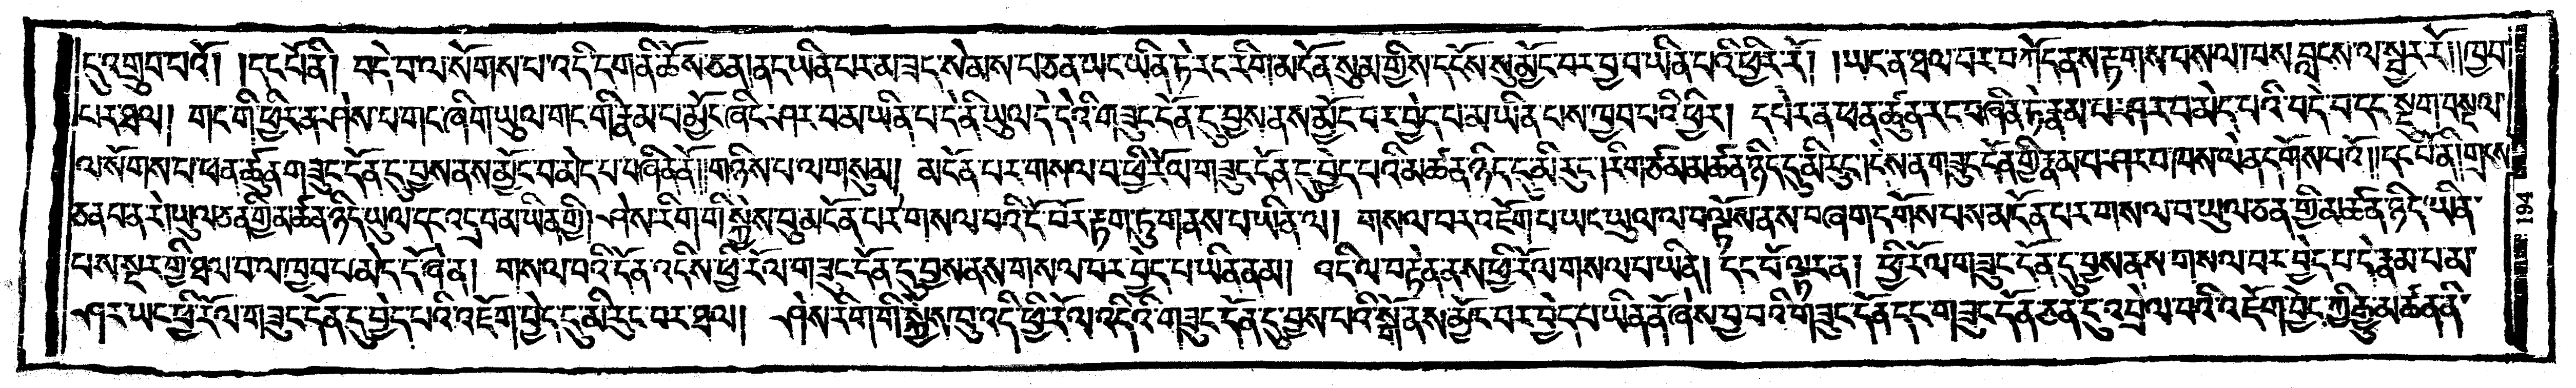དུ་འགྲུབ་པའོ། །དང་པོ་ནི། བདེ་བ་ལ་སོགས་པ་འདི་དག་ནི་ཆོས་ཅན། ནང་ཡིན་པར་མ་ཟད་སེམས་པ་ཅན་ཡང་ཡིན་ཏེ་རང་རིག་མངོན་སུམ་གྱིས་དངོས་སུ་མྱོང་བར་བྱ་བ་ཡིན་པའི་ཕྱིར་རོ། །ཡང་ན་ཐལ་བར་བཀོད་ནས་རྟགས་བསལ་ཁས་བླངས་ལ་སྦྱར་རོ། །ཁྱབ་
པར་ཐལ། གང་གི་ཕྱིར་ན་ཤེས་པ་གང་ཞིག་ཡུལ་གང་གི་རྣམ་པ་མྱོང་ཞིང་ཤར་བ་མ་ཡིན་པ་དེ་ནི་ཡུལ་དེ་དེའི་གཟུང་དོན་དུ་བྱས་ནས་མྱོང་བར་བྱེད་པ་མ་ཡིན་པས་ཁྱབ་པའི་ཕྱིར། དཔེར་ན་ཕན་ཚུན་རང་བཞིན་ཏེ་རྣམ་པ་ཤར་བ་མེད་པའི་བདེ་བ་དང་སྡུག་བསྔལ་
ལ་སོགས་པ་ཕན་ཚུན་གཟུང་དོན་དུ་བྱས་ནས་མྱོང་བ་མེད་པ་བཞིན་ནོ། །གཉིས་པ་ལ་གསུམ། མངོན་པར་གསལ་བ་ཕྱི་རོལ་གཟུང་དོན་དུ་བྱེད་པའི་མཚན་ཉིད་དུ་མི་རུང་། རིག་ཙམ་མཚན་ཉིད་དུ་མི་རུང་། དེས་ན་གཟུང་དོན་གྱི་རྣམ་པ་ཤར་བ་ཁས་ལེན་དགོས་པའོ། །དང་པོ་ནི། གྲངས་
ཅན་པ་ན་རེ། ཡུལ་ཅན་གྱི་མཚན་ཉིད་ཡུལ་དང་འདྲ་བ་མ་ཡིན་གྱི། ཤེས་རིག་གི་སྐྱེས་བུ་མངོན་པར་གསལ་བའི་ངོ་བོར་རྟག་ཏུ་གནས་པ་ཡིན་ལ། གསལ་བར་འཇོག་པ་ཡང་ཡུལ་ལ་བལྟོས་ནས་བཞག་དགོས་པས་མངོན་པར་གསལ་བ་ཡུལ་ཅན་གྱི་མཚན་ཉིད་ཡིན་
པས་སྔར་གྱི་ཐལ་བ་ལ་ཁྱབ་པ་མེད་དོ་ཞེ་ན། གསལ་བའི་དོན་འདིས་ཕྱི་རོལ་གཟུང་དོན་དུ་བྱས་ནས་གསལ་བར་བྱེད་པ་ཡིན་ནམ། འདི་ལ་བརྟེན་ནས་ཕྱི་རོལ་གསལ་པ་ཡིན། དང་པོ་ལྟར་ན། ཕྱི་རོལ་གཟུང་དོན་དུ་བྱས་ནས་གསལ་བར་བྱེད་པ་དེ་རྣམ་པ་མ་
ཤར་ཡང་ཕྱི་རོལ་གཟུང་དོན་དུ་བྱེད་པའི་འཇོག་བྱེད་དུ་མི་རུང་བར་ཐལ། ཤེས་རིག་གི་སྐྱེས་བུ་འདི་ཕྱི་རོལ་འདིའི་གཟུང་དོན་དུ་བྱས་པའི་སྒོ་ནས་མྱོང་བར་བྱེད་པ་ཡིན་ནོ་ཞེས་བྱ་བའི་གཟུང་དོན་དང་གཟུང་དོན་ཅན་དུ་འབྲེལ་བའི་འཇོག་བྱེད་ཀྱི་རྒྱུ་མཚན་ནི་